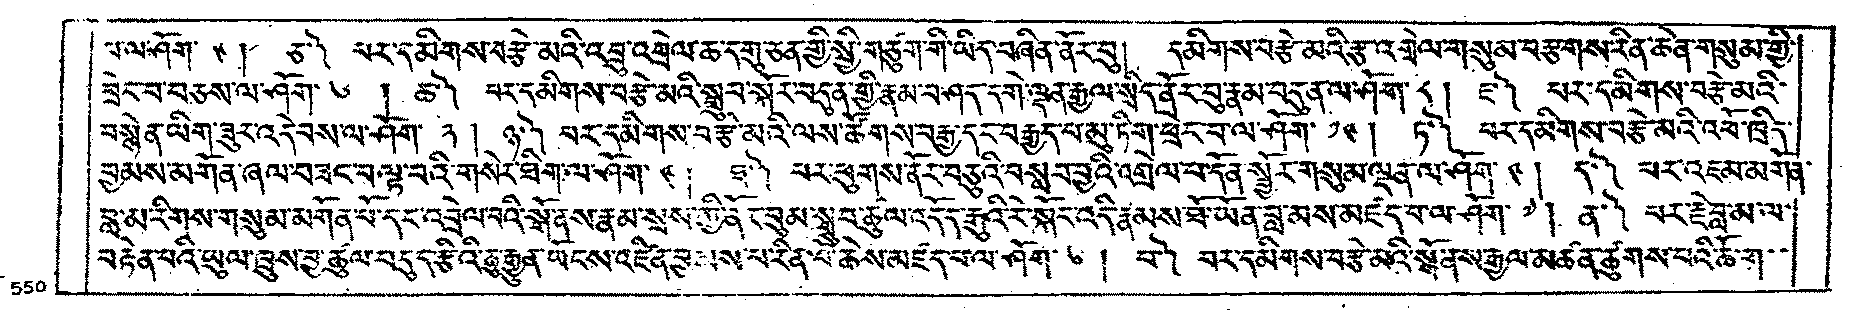པ་ལ་ཤོག ༤། ཅ྄་པར་དམིགས་བརྩེ་མའི་འབྲུ་འགྲེལ་ཆ་དགུ་ཅན་གྱི་སྤྱི་གཙུག་གི་ཡིད་བཞིན་ནོར་བུ། དམིགས་བརྩེ་མའི་རྩ་འགྲེལ་གསུམ་བརྩགས་རིན་ཆེན་གསུམ་གྱི་
ཕྲེང་བ་བཅས་ལ་ཤོག ༦། ཆ྄་པར་དམིགས་བརྩེ་མའི་སྒྲུབ་སྐོར་བདུན་གྱི་རྣམ་བཤད་དགེ་ལྡན་རྒྱལ་སྲིད་ནོར་བུ་རྣམ་བདུན་ལ་ཤོག ༨། ཇ྄་པར་དམིགས་བརྩེ་མའི་
བསྙེན་ཡིག་ཟུར་འདེབས་ལ་ཤོག ༢། ཉ྄་པར་དམིགས་བརྩེ་མའི་ལས་ཚོགས་བརྒྱ་དང་བརྒྱད་པ་མུ་ཏིག་ཕྲེང་བ་ལ་ཤོག ༡༤། ཏ྄་པར་དམིགས་བརྩེ་མའི་འཕོ་ཁྲིད་
བྱམས་མགོན་ཞལ་བཟང་བལྟ་བའི་གསེར་ཐིག་ལ་ཤོག ༤། ཐ྄་པར་ཕུགས་ནོར་བཅུའི་བསླབ་བྱའི་འགྲེལ་པ་དོན་སྦྱོར་གསུམ་ལྡན་ལ་ཤོག ༤། ད྄་པར་འཇམ་མགོན་
བླ་མ་རིགས་གསུམ་མགོན་པོ་དང་འབྲེལ་བའི་སྒོ་ནས་རྣམ་སྲས་ཀྱི་ནོར་བུམ་སྒྲུབ་ཚུལ་འདོད་རྒུའི་རེ་སྐོང་འདི་རྣམས་ཐོ་ཡོན་བླ་མས་མཛད་པ་ལ་ཤོག ༧། ན྄་པར་རྗེ་བླ་མ་ལ་
བརྟེན་པའི་ཡུལ་ཁྲུས་བྱ་ཚུལ་བདུད་རྩིའི་ཆུ་རྒྱུན་ཡོངས་འཛིན་བྱམས་པ་རིན་པོ་ཆེས་མཛད་པ་ལ་ཤོག ༦། པ྄་པར་དམིགས་བརྩེ་མའི་སྒོ་ནས་རྒྱལ་མཚན་ཚུགས་པའི་ཆོ་ག་